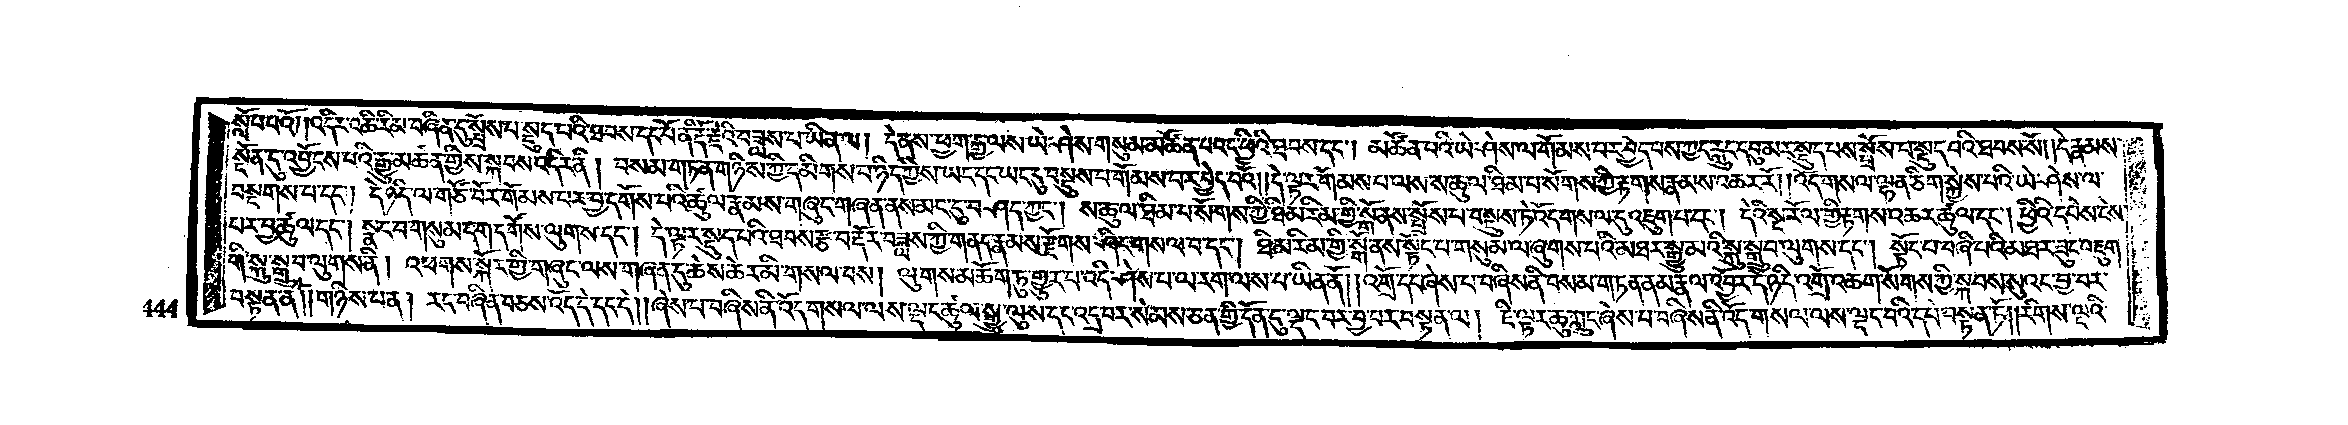སློབ་པའོ། །འདིར་འཆི་རིམ་བཞིན་དུ་སྤྲོས་པ་སྡུད་པའི་ཐབས་དང་པོ་ནི་རྡོ་རྗེའི་བཟླས་པ་ཡིན་ལ། དེ་ནས་ཕྱག་རྒྱ་ལས་ཡེ་ཤེས་གསུམ་མཚོན་པའང་ཕྱིའི་ཐབས་དང་། མཚོན་པའི་ཡེ་ཤེས་ལ་གོམས་པར་བྱེད་པས་ཀྱང་རླུང་དབུ་མར་སྡུད་པས་སྤྲོས་པ་སྡུད་པའི་ཐབས་སོ། །དེ་རྣམས་
སྔོན་དུ་འབྱོངས་པའི་རྒྱུ་མཚན་གྱིས་སྐབས་འདིར་ནི། བསམ་གཏན་གཉིས་ཀྱི་དམིགས་པ་ཉིད་ཀྱིས་ཡང་དང་ཡང་དུ་བསྡུས་པ་གོམས་པར་བྱེད་པའོ། །དེ་ལྟར་གོམས་པ་ལས་ས་ཆུ་ལ་ཐིམ་པ་སོགས་ཀྱི་རྟགས་རྣམས་འཆར་རོ། །འོད་གསལ་ལྷན་ཅིག་སྐྱེས་པའི་ཡེ་ཤེས་ལ་
བསྔགས་པ་དང་། དེ་ཉིད་ལ་གཙོ་བོར་གོམས་པར་བྱ་དགོས་པའི་ཚུལ་རྣམས་གཞུང་གཞན་ནས་མང་དུ་བཤད་ཀྱང་། ས་ཆུ་ལ་ཐིམ་པ་སོགས་ཀྱི་ཐིམ་རིམ་གྱི་སྒོ་ནས་སྤྲོས་པ་བསྡུས་ཏེ་འོད་གསལ་དུ་འཇུག་པ་དང་། དེའི་སྔ་རོལ་གྱི་རྟགས་འཆར་ཚུལ་དང་། ཕྱིའི་དཔེས་ངེས་
པར་བྱ་ཚུལ་དང་། སྣང་བ་གསུམ་དག་དགོས་ལུགས་དང་། དེ་ལྟར་སྡུད་པའི་ཐབས་རྩ་བ་རྡོར་བཟླས་ཀྱི་གནད་རྣམས་རྫོགས་ཤིང་གསལ་བ་དང་། ཐིམ་རིམ་གྱི་སྒོ་ནས་སྟོང་པ་གསུམ་ལ་ཞུགས་པའི་མཐར་སྒྱུ་མའི་སྐུ་སྒྲུབ་ལུགས་དང་། སྟོང་པ་བཞི་པའི་མཐར་ཟུང་འཇུག་
གི་སྐུ་སྒྲུབ་ལུགས་ནི། འཕགས་སྐོར་གྱི་གཞུང་ལས་གཞན་དུ་ཆེས་ཆེར་མི་གསལ་བས། ལུགས་མཆོག་ཏུ་གྱུར་པ་འདི་ཤེས་པ་ལ་རག་ལས་པ་ཡིན་ནོ། །འགྲོ་དང་ཞེས་པ་བཞིས་ནི་བསམ་གཏན་ནམ་རྣལ་འབྱོར་དེ་ཉིད་འགྲོ་འཆག་སོགས་ཀྱི་སྐབས་སུའང་བྱ་བར་
བསྟན་ནོ། །གཉིས་པ་ནི། རང་བཞིན་བཅས་འོད་དེ་དང་དེ། །ཞེས་པ་བཞིས་ནི་འོད་གསལ་ལས་ལྡང་ཚུལ་སྒྱུ་ལུས་དང་འདྲ་བར་སེམས་ཅན་གྱི་དོན་དུ་ལྡང་བར་བྱ་བར་བསྟན་ལ། ཇི་ལྟར་ཆུ་ཀླུང་ཞེས་པ་བཞིས་ནི་འོད་གསལ་ལས་ལྡང་བའི་དཔེ་བསྟན་ཏོ། །རིགས་ལྔའི་